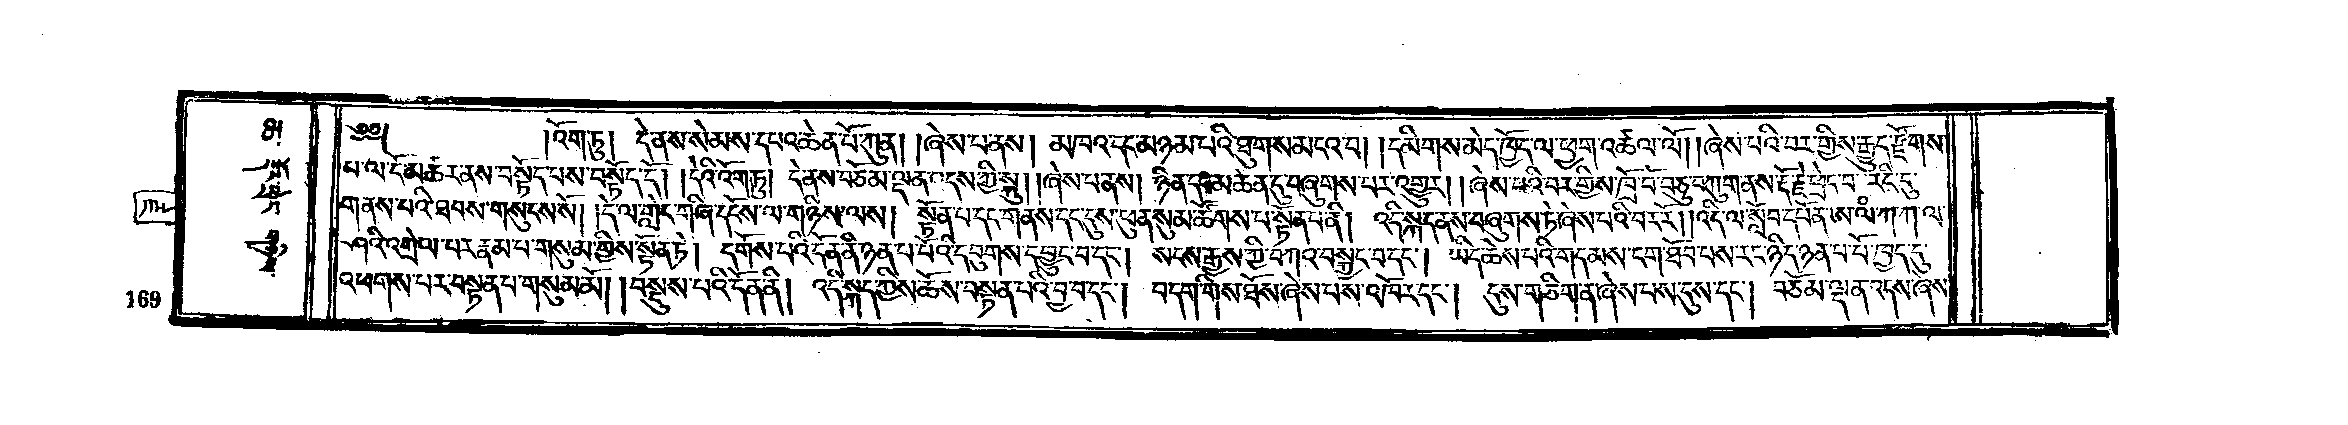༄༅། །འོག་ཏུ། དེ་ནས་སེམས་དཔའ་ཆེན་པོ་ཀུན། །ཞེས་པ་ནས། མཁའ་དང་མཉམ་པའི་ཐུགས་མངའ་བ། །དམིགས་མེད་ཁྱོད་ལ་ཕྱག་འཚལ་ལོ། །ཞེས་པའི་བར་གྱིས་རྒྱུད་རྫོགས་
པ་ལ་ངོ་མཚར་ནས་བསྟོད་པས་བསྟོད་དོ། །དེའི་འོག་ཏུ། དེ་ནས་བཅོམ་ལྡན་འདས་ཀྱི་སྐུ། །ཞེས་པ་ནས། ཉིན་དང་མཚན་དུ་བཞུགས་པར་འགྱུར། །ཞེས་པའི་བར་གྱིས་ཁྲོ་བོ་བཅུ་བཀུག་ནས་རྡོ་རྗེ་ཕྲེང་བ་རིང་དུ་
གནས་པའི་ཐབས་གསུངས་སོ། །དེ་ལ་གླེང་གཞི་དངོས་ལ་གཉིས་ལས། སྟོན་པ་དང་གནས་དང་དུས་ཕུན་སུམ་ཚོགས་པ་སྟོན་པ་ནི། འདི་སྐད་ནས་བཞུགས་ཏེ་ཞེས་པའི་བར་རོ། །འདི་ལ་སློབ་དཔོན་ཨ་ལཾ་ཀ་ཀ་ལ་
ཤའི་འགྲེལ་པར་རྣམ་པ་གསུམ་གྱིས་སྟོན་ཏེ། དགོས་པའི་དོན་ནི་ཉན་པ་པོའི་དབུགས་དབྱུང་བ་དང་། སངས་རྒྱས་ཀྱི་བཀའ་བསྐྱང་བ་དང་། ཡིད་ཆེས་པའི་གདམས་ངག་ཐོབ་པས་རང་ཉིད་ཉན་པ་པོ་ཁྱད་དུ་
འཕགས་པར་བསྟན་པ་གསུམ་མོ། །བསྡུས་པའི་དོན་ནི། འདི་སྐད་ཀྱིས་ཆོས་བསྟན་པའི་བྱ་བ་དང་། བདག་གིས་ཐོས་ཞེས་པས་འཁོར་དང་། དུས་གཅིག་ན་ཞེས་པས་དུས་དང་། བཅོམ་ལྡན་འདས་ཞེས་